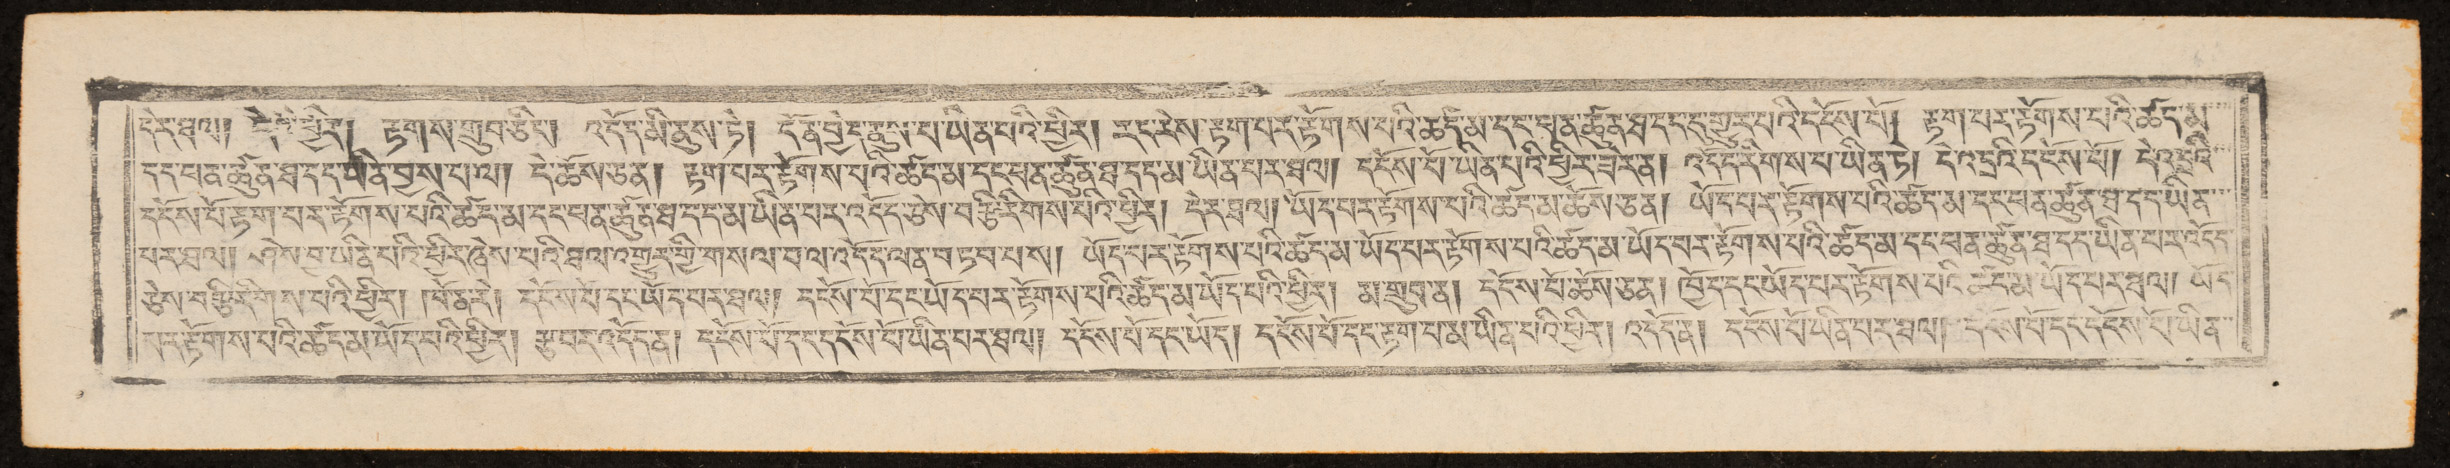དེར་ཐལ། དེའི་ཕྱིར། རྟགས་གྲུབ་ཅིང་། འདོད་མི་ནུས་ཏེ། དོན་བྱེད་ནུས་པ་ཡིན་པའི་ཕྱིར། རང་རེས་རྟག་པར་རྟོགས་པའི་ཚད་མ་དང་ཕན་ཚུན་ཐ་དད་དུ་གྱུར་པའི་དངོས་པོ། རྟག་པར་རྟོགས་པའི་ཚད་མ་
དང་ཕན་ཚུན་ཐ་དད་ཡིན་བྱས་པ་ལ། དེ་ཆོས་ཅན། རྟག་པར་རྟོགས་པའི་ཚད་མ་དང་ཕན་ཚུན་ཐ་དད་མ་ཡིན་པར་ཐལ། དངོས་པོ་ཡིན་པའི་ཕྱིར་ཟེར་ན། འདོད་རིགས་པ་ཡིན་ཏེ། དེ་འདྲའི་དངོས་པོ། དེ་འདྲའི་
དངོས་པོ་རྟག་པར་རྟོགས་པའི་ཚད་མ་དང་ཕན་ཚུན་ཐ་དད་མ་ཡིན་པར་འདོད་ཅེས་བརྩི་རིགས་པའི་ཕྱིར། དེར་ཐལ། ཡོད་པར་རྟོགས་པའི་ཚད་མ་ཆོས་ཅན། ཡོད་པར་རྟོགས་པའི་ཚད་མ་དང་ཕན་ཚུན་ཐ་དད་ཡིན་
པར་ཐལ། ཤེས་བྱ་ཡིན་པའི་ཕྱིར་ཞེས་པའི་ཐལ་འགྱུར་གྱི་གསལ་བ་ལ་འདོད་ལན་བཏབ་པས། ཡོད་པར་རྟོགས་པའི་ཚད་མ་ཡོད་པར་རྟོགས་པའི་ཚད་མ་ཡོད་པར་རྟོགས་པའི་ཚད་མ་དང་ཕན་ཚུན་ཐ་དད་ཡིན་པར་འདོད་
ཅེས་བརྩི་རིགས་པའི་ཕྱིར། ཁོ་ན་རེ། དངོས་པོ་དང་ཡོད་པར་ཐལ། དངོས་པོ་དང་ཡོད་པར་རྟོགས་པའི་ཚད་མ་ཡོད་པའི་ཕྱིར། མ་གྲུབ་ན། དངོས་པོ་ཆོས་ཅན། ཁྱོད་དང་ཡོད་པར་རྟོགས་པའི་ཚད་མ་ཡོད་པར་ཐལ། ཡོད་
པར་རྟོགས་པའི་ཚད་མ་ཡོད་པའི་ཕྱིར། རྩ་བར་འདོད་ན། དངོས་པོ་དང་དངོས་པོ་ཡིན་པར་ཐལ། དངོས་པོ་དང་ཡོད། དངོས་པོ་དང་རྟག་པ་མ་ཡིན་པའི་ཕྱིར། འདོད་ན། དངོས་པོ་ཡིན་པར་ཐལ། དངོས་པོ་དང་དངོས་པོ་ཡིན་